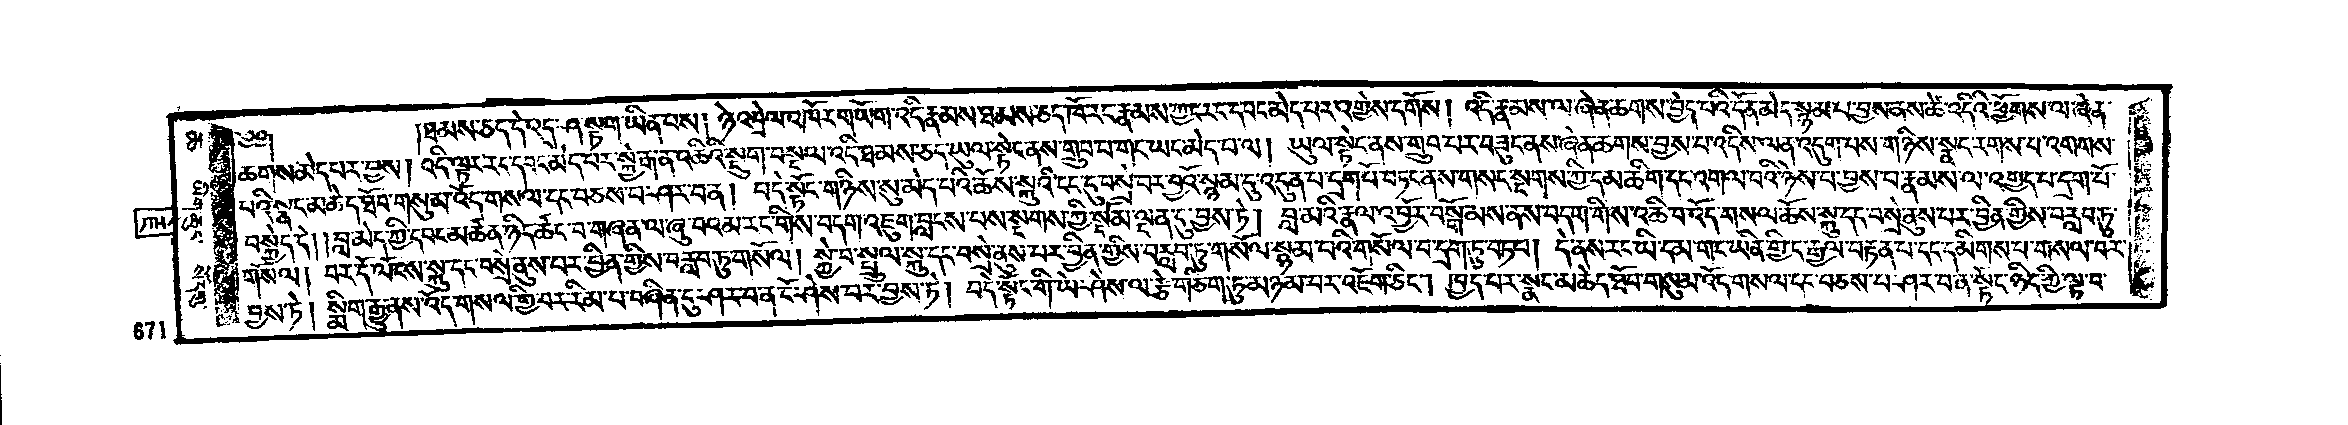༄༅། །ཐམས་ཅད་དེ་འདྲ་ཤ་སྟག་ཡིན་པས། ཉེ་འབྲེལ་འཁོར་གཡོག་འདི་རྣམས་ཐམས་ཅད་ཁོ་རང་རྣམས་ཀྱང་རང་དབང་མེད་པར་འགྱེས་དགོས། འདི་རྣམས་ལ་ཞེན་ཆགས་བྱེད་པའི་དོན་མེད་སྙམ་པ་བྱས་ནས་ཚེ་འདིའི་ཕྱོགས་ལ་ཞེན་
ཆགས་མེད་པར་བྱས། འདི་ལྟར་རང་དབང་མེད་པར་སྐྱེ་རྒ་ན་འཆིའི་སྡུག་བསྔལ་འདི་ཐམས་ཅད་ཡུལ་སྟེང་ནས་གྲུབ་པ་གང་ཡང་མེད་པ་ལ། ཡུལ་སྟེང་ནས་གྲུབ་པར་བཟུང་ནས་ཞེན་ཆགས་བྱས་པ་འདིས་ལན་འདུག་པས་གཉིས་སྣང་རགས་པ་འགགས་
པའི་སྣང་མཆེད་ཐོབ་གསུམ་འོད་གསལ་དང་བཅས་བ་ཤར་བ་ན། བདེ་སྟོང་གཉིས་སུ་མེད་པའི་ཆོས་སྐུའི་ངང་དུ་བསྲེ་པར་བྱའོ་སྙམ་དུ་འདུན་པ་དྲག་པོ་བཏང་ནས་གསང་སྔགས་ཀྱི་དམ་ཚིག་དང་འགལ་བའི་ཉེས་པ་བྱས་པ་རྣམས་ལ་འགྱོད་པ་དྲག་པོ་
བསྐྱེད་དེ། །བླ་མེད་ཀྱི་དབང་མཚན་ཉིད་ཚང་བ་གཞན་ལ་ཞུ་བའམ་རང་གིས་བདག་འཇུག་བླངས་པས་སྔགས་ཀྱི་སྡོམ་ལྡན་དུ་བྱས་ཏེ། བླ་མའི་རྣལ་འབྱོར་བསྒོམས་ནས་བདག་གིས་འཆི་བ་འོད་གསལ་ཆོས་སྐུ་དང་བསྲེ་ནུས་པར་བྱིན་གྱིས་བརླབ་ཏུ་
གསོལ། བར་དོ་ལོངས་སྐུ་དང་བསྲེ་ནུས་པར་བྱིན་གྱིས་བརླབ་ཏུ་གསོལ། སྐྱེ་བ་སྤྲུལ་སྐུ་དང་བསྲེ་ནུས་པར་བྱིན་གྱིས་བརླབ་ཏུ་གསོལ་སྙམ་པའི་གསོལ་བ་དྲག་ཏུ་བཏབ། དེ་ནས་རང་ཡི་དམ་གང་ཡིན་གྱི་ང་རྒྱལ་བརྟན་པ་དང་དམིགས་པ་གསལ་བར་
བྱས་ཏེ། སྨིག་རྒྱུ་ནས་འོད་གསལ་གྱི་བར་རིམ་པ་བཞིན་དུ་ཤར་བ་ན་ངོ་ཤེས་པར་བྱས་ཏེ། བདེ་སྟོང་གི་ཡེ་ཤེས་ལ་རྩེ་གཅིག་ཏུ་མཉམ་པར་འཇོག་ཅིང་། ཁྱད་པར་སྣང་མཆེད་ཐོབ་གསུམ་འོད་གསལ་དང་བཅས་པ་ཤར་བ་ན་སྟོང་ཉིད་ཀྱི་ལྟ་བ་